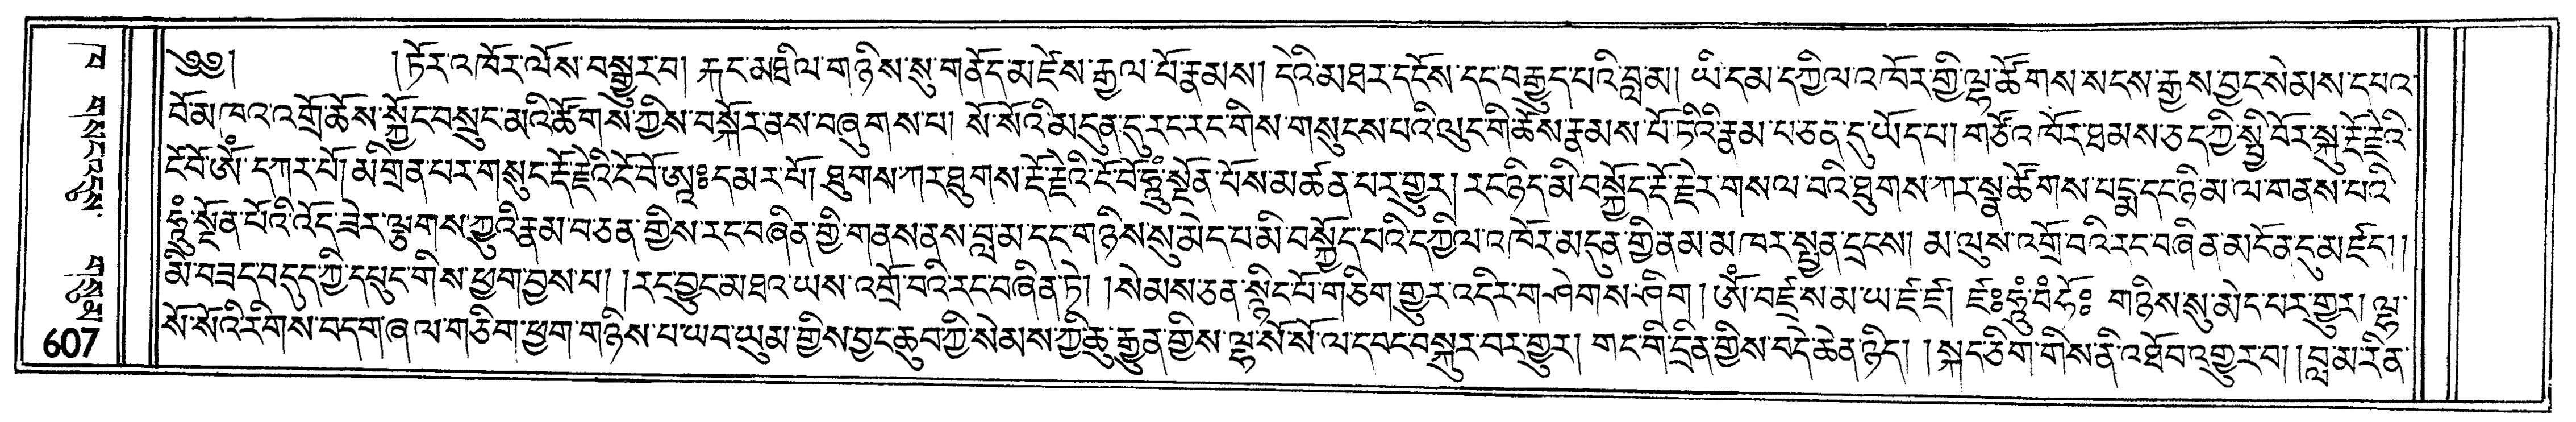༄༅། །ཏོར་འཁོར་ལོས་བསྒྱུར་བ། རྐང་མཐིལ་གཉིས་སུ་གནོད་མཛེས་རྒྱལ་པོ་རྣམས། དེའི་མཐར་དངོས་དང་བརྒྱུད་པའི་བླ་མ། ཡི་དམ་དཀྱིལ་འཁོར་གྱི་ལྷ་ཚོགས་སངས་རྒྱས་བྱང་སེམས་དཔའ་
བོ་མཁའ་འགྲོ་ཆོས་སྐྱོང་བསྲུང་མའི་ཚོགས་ཀྱིས་བསྐོར་ནས་བཞུགས་པ། སོ་སོའི་མདུན་དུ་རང་རང་གིས་གསུངས་པའི་ལུང་གི་ཆོས་རྣམས་པོ་ཏིའི་རྣམ་པ་ཅན་དུ་ཡོད་པ། གཙོ་འཁོར་ཐམས་ཅད་ཀྱི་སྤྱི་བོར་སྐུ་རྡོ་རྗེའི་
ངོ་བོ་ཨོཾ་དཀར་པོ། མགྲིན་པར་གསུང་རྡོ་རྗེའི་ངོ་བོ་ཨཱཿ དམར་པོ། ཐུགས་ཀར་ཐུགས་རྡོ་རྗེའི་ངོ་བོ་ཧཱུཾ་སྔོན་པོས་མཚན་པར་གྱུར། རང་ཉིད་མི་བསྐྱོད་རྡོ་རྗེར་གསལ་བའི་ཐུགས་ཀར་སྣ་ཚོགས་པདམ་དང་ཉི་མ་ལ་གནས་པའི་
ཧཱུཾ་སྔོན་པོའི་འོད་ཟེར་ལྕགས་ཀྱུའི་རྣམ་བ་ཅན་གྱིས་རང་བཞིན་གྱི་གནས་ནས་བླ་མ་དང་གཉིས་སུ་མེད་པ་མི་བསྐྱོད་པའི་དཀྱིལ་འཁོར་མདུན་གྱི་ནམ་མཁར་སྤྱན་དྲངས། མ་ལུས་འགྲོ་བའི་རང་བཞིན་མངོན་དུ་མཛད། །
མི་བཟད་བདུད་ཀྱི་དཔུང་གིས་ཕྱག་བྱས་པ། །རང་བྱུང་མཐའ་ཡས་འགྲོ་བའི་རང་བཞིན་ཏེ། །སེམས་ཅན་སྙིང་པོ་གཅིག་གྱུར་འདིར་གཤེགས་ཤིག །ཨོཾ་བཛྲ་ས་མ་ཡ་ཛ་ཛ། ཛཿ ཧཱུཾ་བཾ་ཧོཿ གཉིས་སུ་མེད་པར་གྱུར། ལྷ་
སོ་སོའི་རིགས་བདག་ཞལ་གཅིག་ཕྱག་གཉིས་པ་ཡབ་ཡུམ་གྱིས་བྱང་ཆུབ་ཀྱི་སེམས་ཀྱི་ཆུ་རྒྱུན་གྱིས་ལྷ་སོ་སོ་ལ་དབང་བསྐུར་བར་གྱུར། གང་གི་དྲིན་གྱིས་བདེ་ཆེན་ཉིད། །སྐད་ཅིག་གིས་ནི་འཐོབ་འགྱུར་བ། །བླ་མ་རིན་